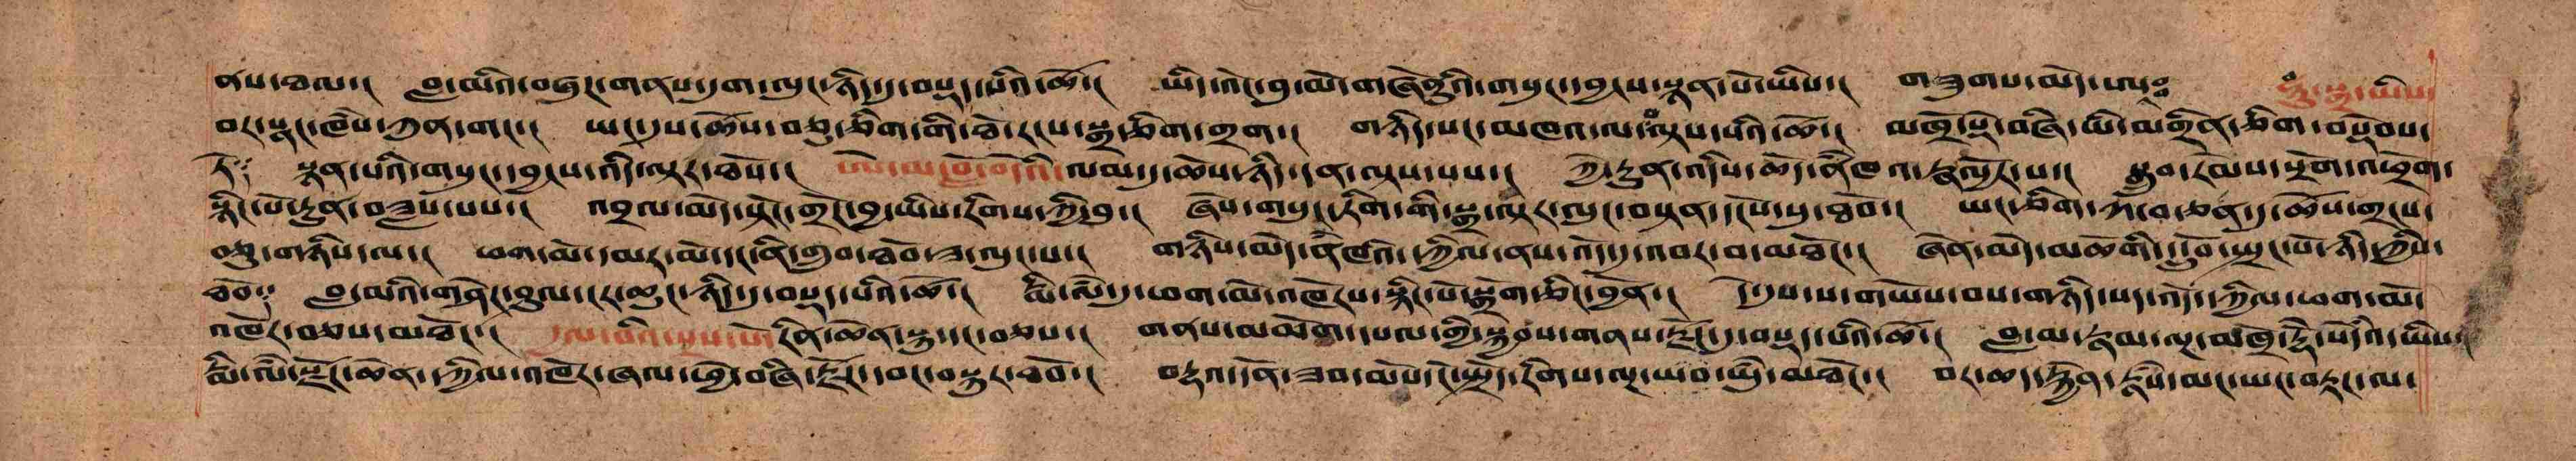ནས་ཐལ། བླ་མའི་བཞུགས་གནས་དུག་ལུང་ཉིད་དུ་བསྡད་པའི་ཚེ། ཡིད་འོང་བུ་མོ་གཞོན་ནུའི་གསུང་དབྱངས་སྙན་པོ་ཡིས། གཟུགས་མེད་ཨཱཿ ཧཱུཾ་སྒྲ་ཡིས་
བར་སྣང་ཁམས་ཀུན་གང་། ཡང་དུས་ཚེས་བཅུ་ཅིག་གི་ཐོ་རངས་སྒྲ་ཅིག་གྲག། གཉིད་སང་མཁའ་ལ་བསྟས་པའི་ཚེ། མཁའ་འགྲོ་སྡེ་བཞི་ཡི་མགྲིན་ཅིག་བསྡེབས་
ཏེ༑ སྙན་པའི་གསུང་དབྱངས་འདི་ལྟར་ཐོས། ཨེ་མ་བློ་བདེའི་ལམ་དུ་ཆོས་ཉིད་དན་ལྟས་པས། ཀྱེ་རྒྱུན་འདིས་ཆེད་ནམ་མཁའ་རྣལ་འབྱོར་པ། སྒྲུབ་རོམས་སྲོག་འཕྲོག་
སྙིང་པོ་རྒྱུན་བཟླས་པས། འབྲལ་མེད་སྟོང་གྲོགས་བྱ་ཡིས་རིགས་ཀྱི་བུ། ཞེས་གསུང་རིག་གི་སྒྲ་ལྟར་ལུང་བསྟན་དངོས་སུ་ཐོབ། ཡང་ཅིག་ཀ་བ་ཅན་དུ་ཚེས་གྲངས་
བཅུ་གཉིས་ལ། ཕག་མོ་དམར་མོ་དང་ནི་གྲུབ་ཐོབ་ཟ་ལུང་པ། གཉིས་མེད་ནམ་མཁའི་དཀྱིལ་ནས་འོད་དུ་འབར་བ་མཐོང་། ཞེན་མེད་མཆོག་གི་དངོས་གྲུབ་སྤྲང་པོ་ཉིད་ཀྱིས་
ཐོབ༑ བླ་མའི་གཤེགས་ཤུལ་ངར་ཆུང་ཉིད་དུ་བསྡ་པའི་ཚེ། རྨི་ལམ་དུ་ཕག་མོ་འཁོར་བཅས་སྙིང་པོ་སྒྲོག་ཅིང་བྱོན། དེ་དུས་ས་གཡོས་བས་གཉིས་སད་འོད་དཀྱིལ་ཕག་མོ་
འཁོར་བཅས་མཐོང་། རྒྱལ་བའི་སྲས་པོ་རིན་ཅེན་སྐུ་དང་བཅས། གནས་མཆོག་དཔལ་གྱི་སྐྱབས་གནས་རྫོགས་དུ་བསྡད་པའི་ཚེ། བླ་མ་རྣམ་ལྔ་མཁའ་འགྲོ་རྡོ་རྗེ་སེམས་དཔའ་ཡིས། 
རྨི་ལམ་རྫོགས་ཆེན་དཀྱིལ་འཁོར་ཞལ་ཕྱེ་བཞི་རྫོགས་དབང་བསྐུར་ཐོབ། བརྡའ་དོན་ཟབ་མོས་ངོ་སྤྲོད་རིགས་ལྔ་ཡབ་ཡུམ་མཐོང་། བར་ཆད་རྐྱེན་རྣམས་མང་ཡང་བརྟགས་ལ་